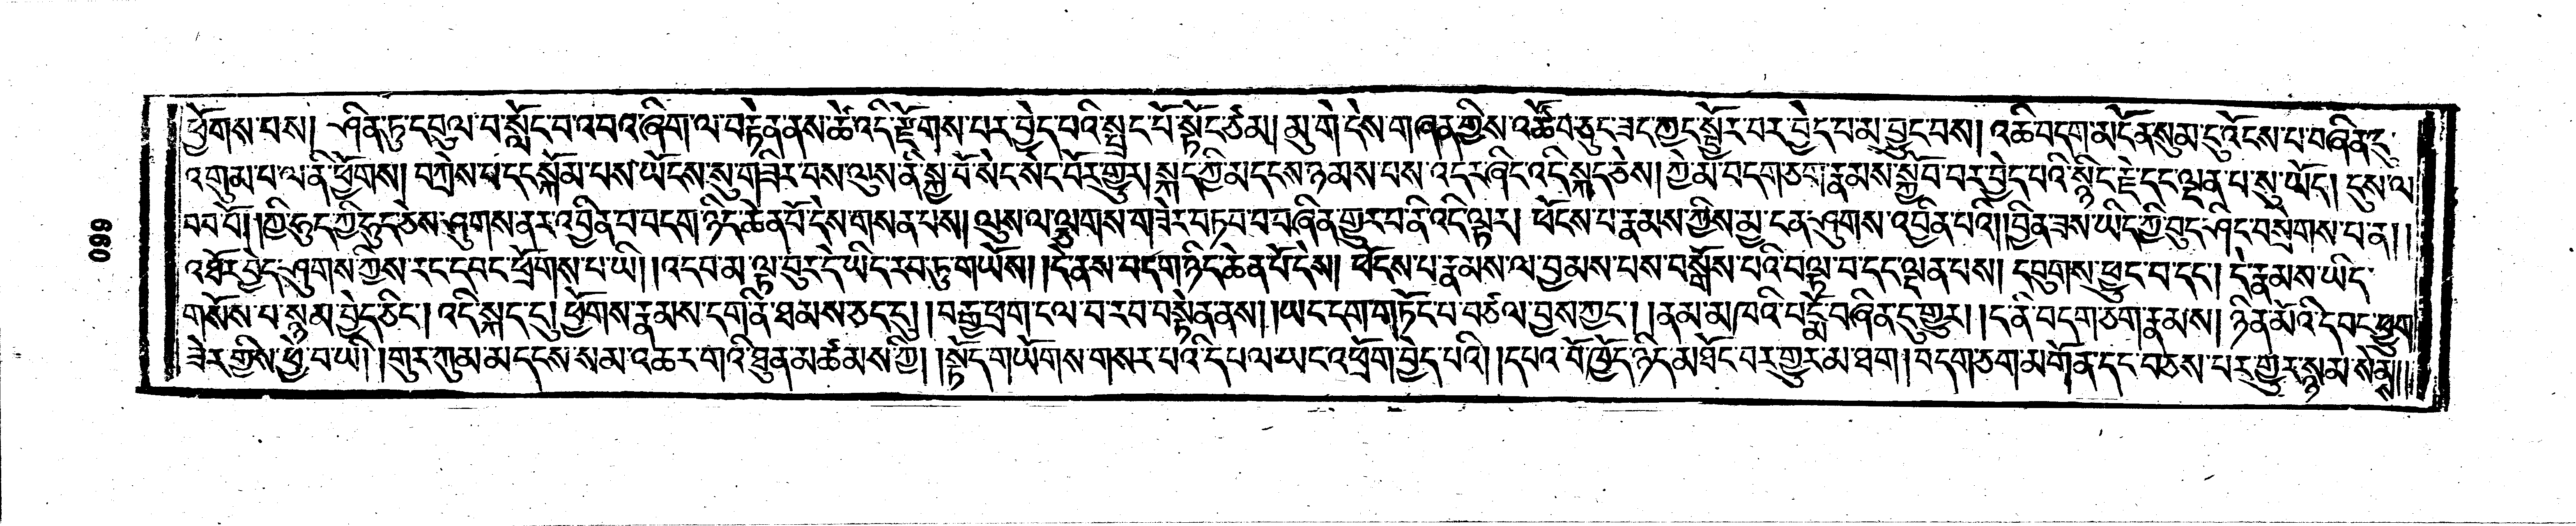ཕྱོགས་པས། ཤིན་ཏུ་དབུལ་བ་སློང་བ་འབའ་ཞིག་ལ་བརྟེན་ནས་ཚེ་འདི་རྫོགས་པར་བྱེད་པའི་སྤྲང་པོ་སྟོང་ཙམ། མུ་གེ་དེས་གཞན་གྱིས་འཚོ་བ་ཅུང་ཟད་ཀྱང་སྦྱོར་བར་བྱེད་པ་མ་བྱུང་བས། འཆི་བདག་མངོན་སུམ་དུ་འོངས་པ་བཞིན་དུ་
འགུམ་པ་ལ་ནི་ཕྱོགས། བཀྲེས་པ་དང་སྐོམ་པས་ཡོངས་སུ་གཟིར་བས་ལུས་ནི་སྐྱ་བོ་སེང་སེང་པོར་གྱུར། སྐད་ཀྱི་གདངས་ཉམས་པས་འདར་ཞིང་འདི་སྐད་ཅེས། ཀྱེ་མ་བདག་ཅག་རྣམས་སྐྱོབ་པར་བྱེད་པའི་སྙིང་རྗེ་དང་ལྡན་པ་སུ་ཡོད། དུས་ལ་
བབ་བོ། ཀྱི་ཧུད་ཀྱི་ཧུད་ཅེས་ཤུགས་ནར་འབྱིན་པ་བདག་ཉིད་ཆེན་པོ་དེས་གསན་པས། ལུས་ལ་ལྕགས་གཟེར་བཏབ་པ་བཞིན་གྱུར་པ་ནི་འདི་ལྟར། ཕོངས་པ་རྣམས་ཀྱིས་མྱ་ངན་ཤུགས་འབྱིན་པའི། །བྱིན་ཟས་ཡིད་ཀྱི་བུད་ཤིང་བསྲེགས་པ་ན། །
འཐོར་བྱེད་ཤུགས་ཀྱིས་རང་དབང་ཕྲོགས་པ་ཡི། །འདབ་མ་ལྟ་བུར་དེ་ཡིད་རབ་ཏུ་གཡོས། །དེ་ནས་བདག་ཉིད་ཆེན་པོ་དེས། ཕོངས་པ་རྣམས་ལ་བྱམས་པས་བསྒོས་པའི་བལྟ་བ་དང་ལྡན་པས། དབུགས་ཕྱུང་བ་དང་། དེ་རྣམས་ཡིད་
གསོས་པ་སྙམ་བྱེད་ཅིང་། འདི་སྐད་དུ། ཕྱོགས་རྣམས་དག་ནི་ཐམས་ཅད་དུ། །བརྒྱ་ཕྲག་ངལ་བ་རབ་བསྟེན་ནས། །ཡང་དག་གཏོང་བ་བཙལ་བས་ཀྱང་། །ནམ་མཁའི་པདམོ་བཞིན་དུ་གྱུར། །ད་ནི་བདག་ཅག་རྣམས། ཉིན་མོའི་དབང་ཕྱུག་
ཟེར་གྱིས་ཕྱེ་བ་ཡི། །གུར་ཀུམ་མདངས་སམ་འཆར་གའི་ཐུན་མཚམས་ཀྱི། །སྟོད་གཡོགས་གསར་པའི་དཔལ་ཡང་འཕྲོག་བྱེད་པའི། །དཔའ་བོ་ཁྱོད་ཉིད་མཐོང་བར་གྱུར་མ་ཐག །བདག་ཅག་མགོན་དང་བཅས་པར་གྱུར་སྙམ་སེམས། །